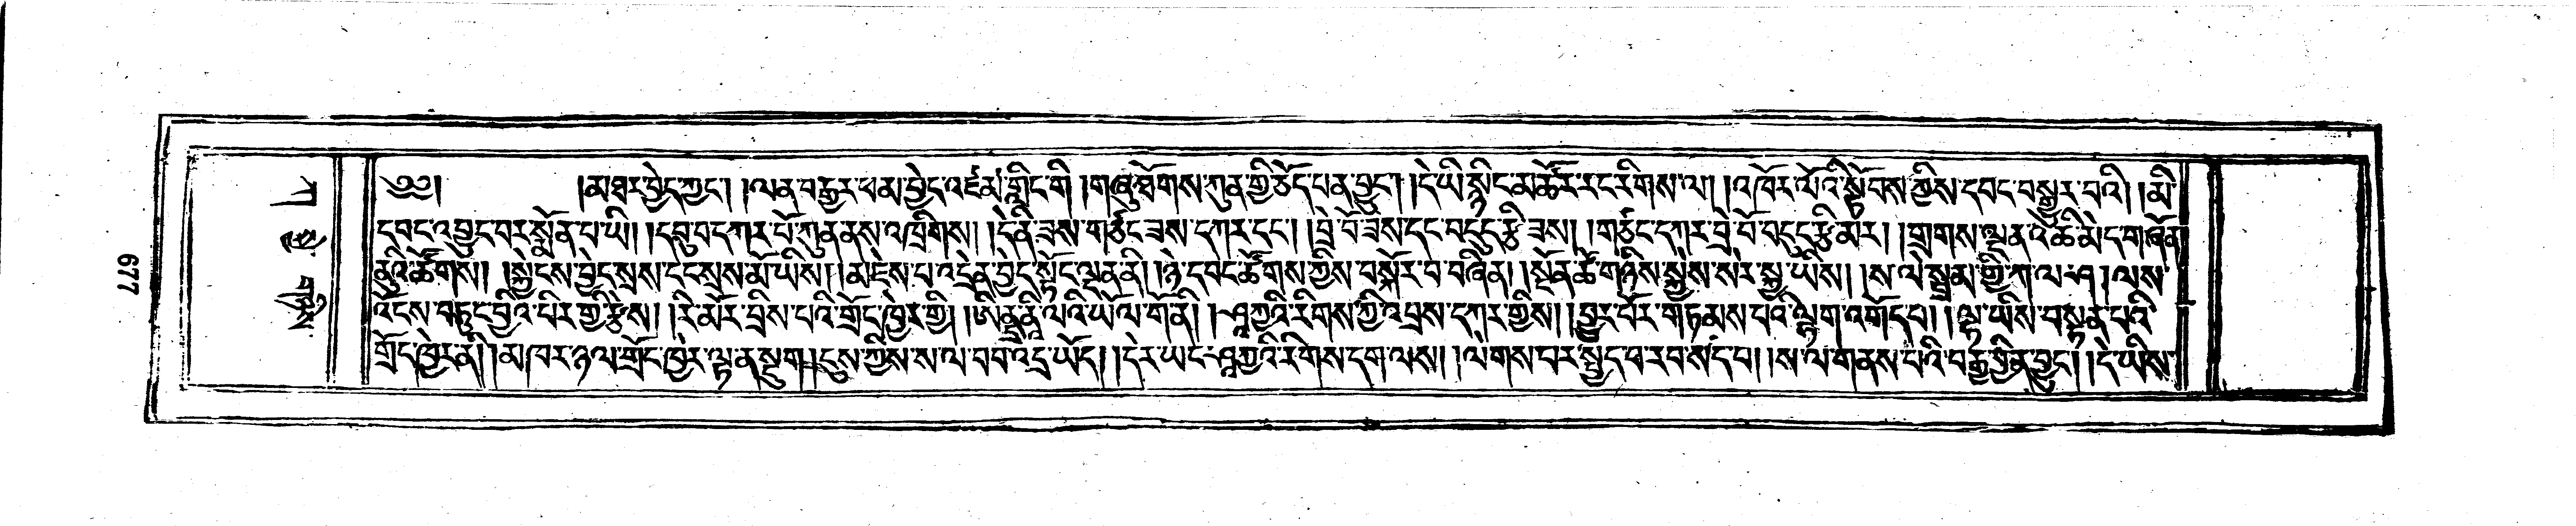༄༅། །མཐར་བྱེད་ཀྱང་། །ལན་བརྒྱར་ཕམ་བྱེད་འཛམ་གླིང་གི །གཞུ་ཐོགས་ཀུན་གྱི་ཅོད་པན་བྱུང་། །དེ་ཡི་སྙིང་མཚོར་རང་རིགས་ལ། །འཁོར་ལོའི་སྟོབས་ཀྱིས་དབང་བསྒྱུར་བའི། །མི་
དབང་འབྱུང་བར་སྨོན་པ་ཡི། །དབུ་བ་དཀར་པོ་ཀུན་ནས་འཁྲིགས། །དེ་ནི་ཟས་གཙང་ཟས་དཀར་དང་། །བྲེ་བོ་ཟས་དང་བདུད་རྩི་ཟས། །གཙང་དཀར་བྲེ་བོ་བདུད་རྩི་མར། །གྲགས་ལྡན་འཆི་མེད་གཞོན་
ནུའི་ཚོགས། །སྐྱེངས་བྱེད་སྲས་དང་སྲས་མོ་ཡིས། །མཛེས་པ་འདྲེན་བྱེད་སྟོང་ལྡན་ནི། །ཉེ་དབང་ཚོགས་ཀྱིས་བསྐོར་བ་བཞིན། །སྔོན་ཚེ་གཉིས་སྐྱེས་སེར་སྐྱ་ཡིས། །ས་ལེ་སྦྲམ་གྱི་ཀ་ལ་ཤ་།ལས་
འོངས་བཏུང་བྱའི་པིར་གྱི་རྩེས། །རི་མོར་བྲིས་པའི་གྲོང་ཁྱེར་གྱི། །ཨིནྡྲ་ནཱི་ལའི་ཡོལ་གོ་ནི། །ཤཱཀྱའི་རིགས་ཀྱི་འབྲས་དཀར་གྱིས། །བྱུར་པོར་གཏམས་པའི་ལྷག་འགོད་པ། །ལྷ་ཡིས་བསྟན་པའི་
གྲོང་ཁྱེར་ནི། །མཁར་ཉལ་གྲོང་ཁྱེར་ལྟ་ན་སྡུག །དུས་ཀྱིས་ས་ལ་བབ་འདྲ་ཡོད། །དེར་ཡང་ཤཱཀྱའི་རིགས་དག་ལས། །ལེགས་པར་སྤྱད་པ་རབ་སད་པ། །ས་ལ་གནས་པའི་བརྒྱ་བྱིན་བྱུང་། །དེ་ཡིས་